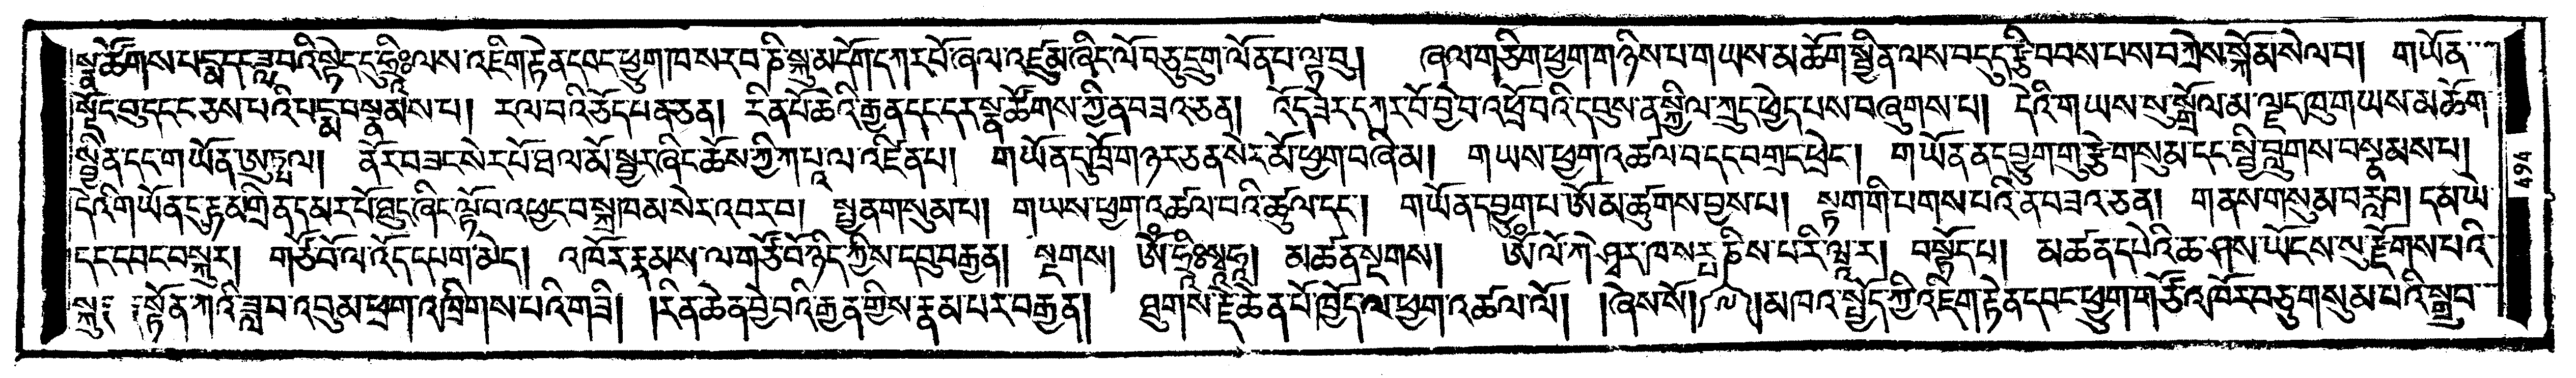སྣ་ཚོགས་པདམ་དང་ཟླ་བའི་ཏེང་དུ་ཧྲཱིཿལས་འཇིག་རྟེན་དབང་ཕྱུག་ཁ་སར་བ་ཎི་སྐུ་མདོག་དཀར་པོ་ཞལ་འཛུམ་ཞིང་ལོ་བཅུ་དྲུག་ལོན་པ་ལྟ་བུ། ཞལ་གཅིག་ཕྱག་གཉིས་པ་གཡས་མཆོག་སྦྱིན་ལས་བདུད་རྩི་བབས་པས་བཀྲེས་སྐོམ་སེལ་བ། གཡོན་
སྡོང་བུ་དང་ཅས་པའི་པདམ་བསྣམས་པ། རལ་བའི་ཅོད་པན་ཅན། རིན་པོ་ཆེའི་རྒྱན་དང་དར་སྣ་ཚོགས་ཀྱི་ན་བཟའ་ཅན། འོད་ཟེར་དཀར་པོ་བྱེ་བ་འཕྲོ་བའི་དབུས་ན་སྐྱིལ་ཀྲུང་ཕྱེད་པས་བཞུགས་པ། དེའི་གཡས་སུ་སྒྲོལ་མ་ལྗང་ཁུ་གཡས་མཆོག་
སྦྱིན་དང་གཡོན་ཨུཏྤལ། ནོར་བཟང་སེར་པོ་ཐལ་མོ་སྦྱར་ཞིང་ཆོས་ཀྱི་ཀ་པཱ་ལ་འཛིན་པ། གཡོན་དུ་ཁྲོ་གཉར་ཅན་སེར་མོ་ཕྱག་བཞི་མ། གཡས་ཕྱག་འཚལ་བ་དང་བགྲང་ཕྲེང་། གཡོན་ན་དབྱུག་གུ་རྩེ་གསུམ་དང་སྦྱི་བླུགས་བསྣམས་པ།
དེའི་གཡོན་དུ་རྟ་མགྲིན་དམར་པོ་ཐུང་ཞིང་ལྟོ་བ་འཕྱང་བསྐྲ་ཁམ་སེར་འབར་བ། སྤྱན་གསུམ་པ། གཡས་ཕྱག་འཚལ་བའི་ཚུལ་དང་། གཡོན་དབྱུག་པ་ཨོ་མ་ཚུགས་བྱས་པ། སྟག་གི་པགས་པའི་ན་བཟའ་ཅན། གནས་གསུམ་བརླབ། དམ་ཡེ་
དད་དབང་བསྐུར། གཙོ་བོ་ལ་འོད་དཔག་མེད། འཁོར་རྣམས་ལ་གཙོ་བོ་ཉིད་ཀྱིས་དབུ་བརྒྱན། སྔགས། ཨོཾ་ཧྲཱིཿསྭཱཧཱ། མཚན་སྔགས། ཨོཾ་ལོ་ཀེ་ཤྭར་ཁ་སརྤ་ཎི་ས་པ་རི་ཝཱ་ར། བསྟོད་པ། མཚན་དཔེའི་ཆ་ཤས་ཡོངས་སུ་རྫོགས་པའི་
སྐུ༑ ༑སྟོན་ཀའི་ཟླ་བ་འབུམ་ཕྲག་འཁྲིགས་པའི་གཟི། །རིན་ཆེན་བྱེ་བའི་རྒྱན་གྱིས་རྣམ་པར་བརྒྱན། ཐུགས་རྗེ་ཆེན་པོ་ཁྱོད་ལ་ཕྱག་འཚལ་ལོ། །ཞེས་སོ། ༧?་།མཁའ་སྤྱོད་ཀྱི་འཇིག་རྟེན་དབང་ཕྱུག་གཙོ་འཁོར་བཅུ་གསུམ་པའི་སྒྲུབ་